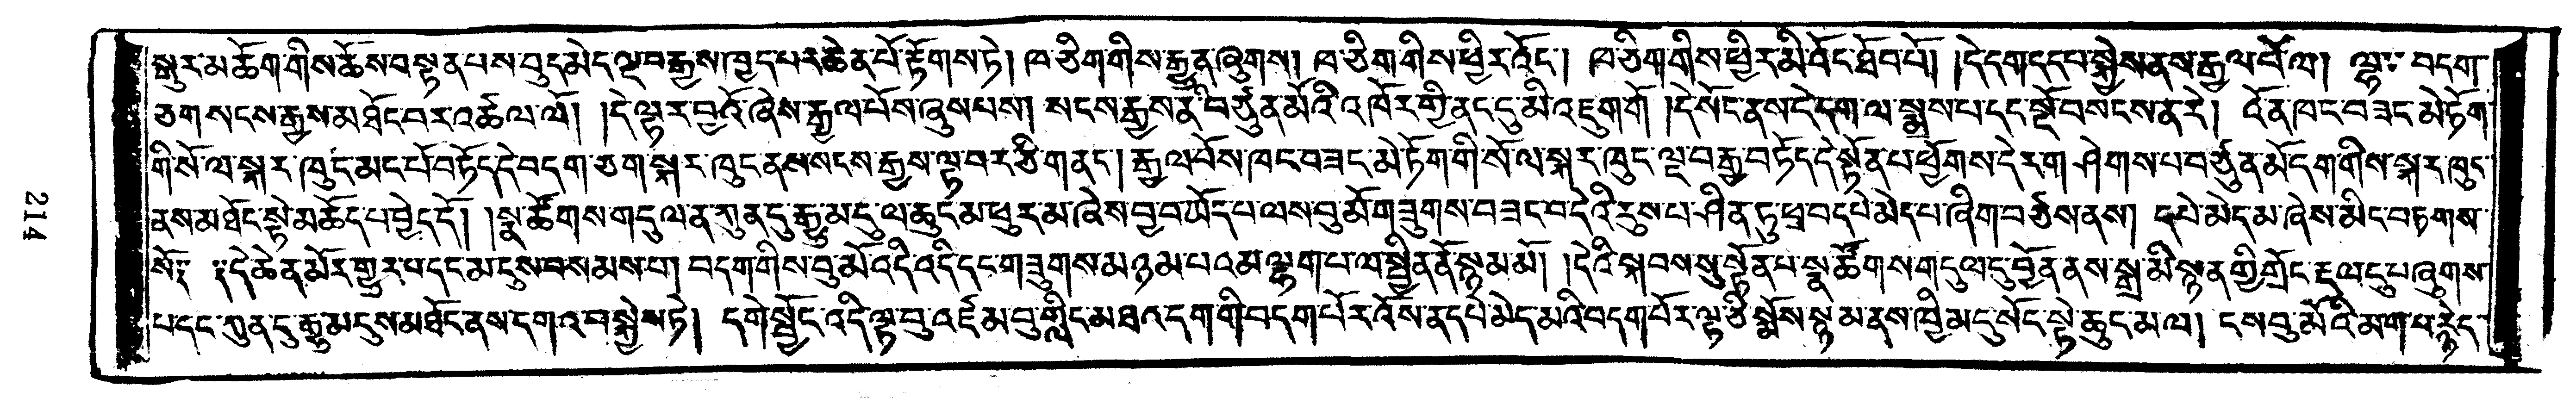སྒུར་མཆོག་གིས་ཆོས་བསྟན་པས་བུད་མེད་ལྔ་བརྒྱས་ཁྱད་པར་ཆེན་པོ་རྟོགས་ཏེ། ཁ་ཅིག་གིས་རྒྱུན་ཞུགས། ཁ་ཅིག་གིས་ཕྱིར་འོང་། ཁ་ཅིག་གིས་ཕྱིར་མི་འོང་ཐོབ་པོ། །དེ་དག་དད་པ་སྐྱེས་ནས་རྒྱལ་པོ་ལ། ལྷ༑ བདག་
ཅག་སངས་རྒྱས་མཐོང་བར་འཚལ་ལོ། །དེ་ལྟར་བྱའོ་ཞེས་རྒྱལ་པོས་ཞུས་པས། སངས་རྒྱས་ནི་བཙུན་མོའི་འཁོར་གྱི་ནང་དུ་མི་འཇུག་གོ །དེ་སོང་ནས་དེ་དག་ལ་སྨྲས་པ་དང་སྔོ་བསངས་ན་རེ། འོ་ན་ཁང་བཟང་མེ་ཏོག་
གི་སོ་ལ་སྐར་ཁུང་མང་པོ་བཏོད་དེ་བདག་ཅག་སྐར་ཁུང་ནས་སངས་རྒྱས་ལྟ་བར་ཅི་གནང་། རྒྱལ་པོས་ཁང་བཟང་མེ་ཏོག་གི་སོ་ལ་སྐར་ཁུང་ལྔ་བརྒྱ་བཏོད་དེ་སྟོན་པ་ཕྱོགས་དེར་གཤེགས་པ་བཙུན་མོ་དག་གིས་སྐར་ཁུང་
ནས་མཐོང་སྟེ་མཆོད་པ་བྱེད་དོ། །སྣ་ཚོགས་གདུལ་ན་ཀུན་དུ་རྒྱུ་མ་དུ་ལ་ཆུད་མ་ཕུར་མ་ཞེས་བྱ་བ་ཡོད་པ་ལས་བུ་མོ་གཟུགས་བཟང་བ་དེའི་རུས་པ་ཤིན་ཏུ་ཕྲ་བ་དཔེ་མེད་པ་ཞིག་བཙས་ནས། དཔེ་མེད་མ་ཞེས་མིང་བཏགས་
སོ༑ ༑དེ་ཆེན་མོར་གྱུར་པ་དང་མ་དུས་བསམས་པ། བདག་གིས་བུ་མོ་འདི་འདི་དང་གཟུགས་མཉམ་པའམ་ལྷག་པ་ལ་སྦྱིན་ནོ་སྙམ་མོ། །དེའི་སྐབས་སུ་སྟོན་པ་སྣ་ཚོགས་གདུལ་དུ་བྱོན་ནས་སྒྲ་མི་སྙན་གྱི་གྲོང་རྡལ་དུ་པ་ཞུགས་
པ་དང་ཀུན་དུ་རྒྱུ་མདུས་མཐོང་ནས་དགའ་བ་སྐྱེས་ཏེ། དགེ་སྦྱོང་འདི་ལྟ་བུ་འཛམ་བུ་གླིང་མཐའ་དག་གི་བདག་པོར་འོས་ན་དཔེ་མེད་མའི་བདག་པོར་ལྟ་ཅི་སྨོས་སྙམ་ནས་ཁྱིམ་དུ་སོང་སྟེ་ཆུང་མ་ལ། ངས་བུ་མོའི་མག་པ་རྙེད་